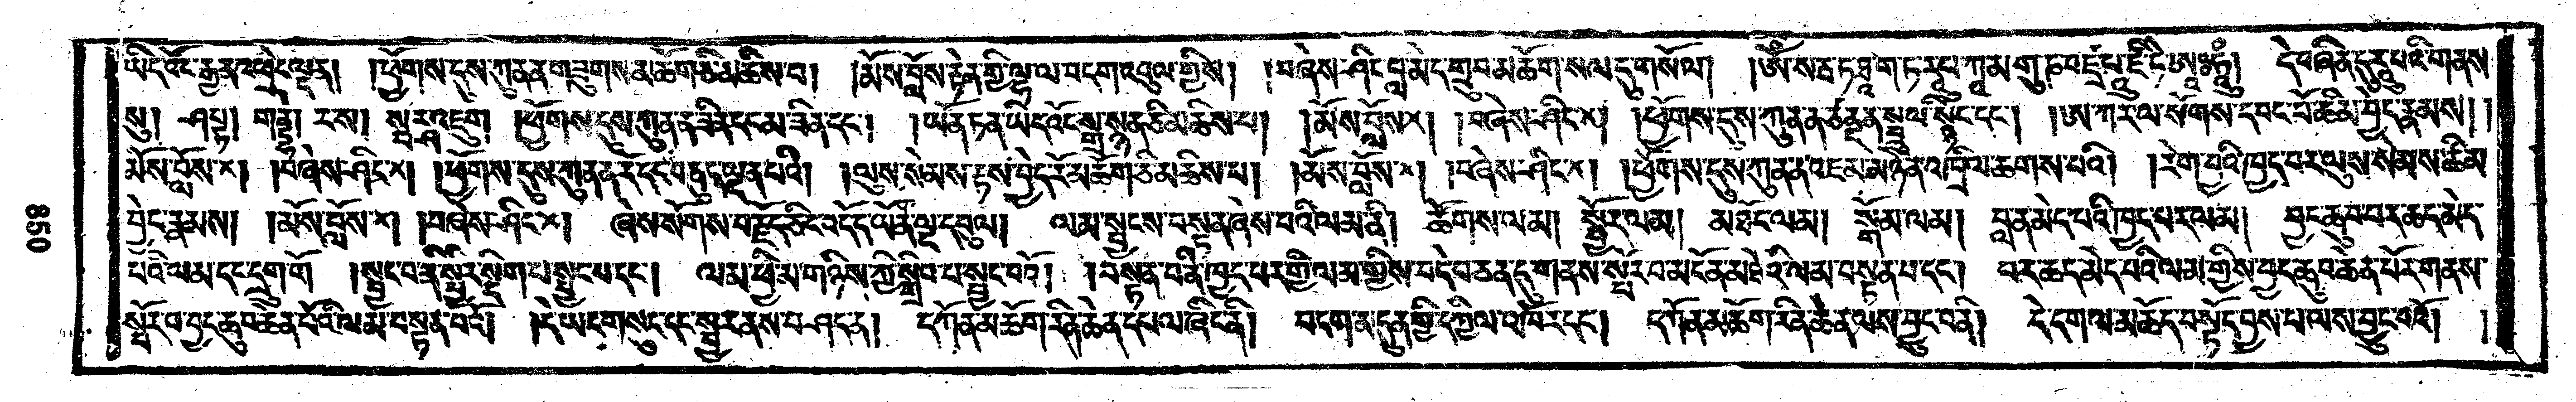ཡིད་འོང་རྒྱན་འཕྲེང་ལྡན། །ཕྱོགས་དུས་སུ་ཀུན་ན་གཟུགས་མཆོག་ཅི་མཆིས་བ། །མོས་བློས་རྟེན་གྱི་ལྷ་ལ་བདག་འབུལ་གྱིས། །བཞེས་ཤིང་བླ་མེད་གྲུབ་མཆོག་སལ་དུ་གསོལ། །ཨོཾ་སརྦ་ཏ་ཐཱ་ག་ཏ་རཱུ་པ་ཀཱ་མགུ་ཎ་བཛྲ་པཱུ་ཛི་ཏེ་ཨཱཿཧཱུཾ། དེ་བཞིན་དུ་རཱུ་པའི་གནས་
སུ། ཤཔྟ། གནྡྷེ། རས། སྦརྵ་འཇུག། །ཕྱོགས་དུས་ཀུན་ན་ཟིན་དང་མ་ཟིན་དང་། །ཡོན་ཏན་ཡིད་འོང་སྒྲ་སྙན་ཅི་མཆིས་པ། །མོས་བློས་྾། །བཞེས་ཤིང་྾། །ཕྱོགས་དུས་ཀུན་ན་ཙནྡན་སྤྲུལ་སྙིང་དང་། །ཨ་ཀ་ར་ལ་སོགས་དབང་པོ་ཆིམ་བྱེད་རྣམས། །
མོས་བློས་྾། །བཞེས་ཤིང་྾། །ཕྱོགས་དུས་ཀུན་ན་རོ་དང་བཅུད་ལྡན་པའི། །ལུས་སེམས་རྟས་བྱེད་རོ་མཆོག་ཅི་མཆིས་པ། །མོས་བློས་྾། །བཞེས་ཤིང་྾། །ཕྱོགས་དུས་ཀུན་ན་འཇམ་མཉེན་འཁྲིལ་ཆགས་པའི། །རེག་བྱའི་ཁྱད་པར་ལུས་སེམས་ཚིམ་
བྱེད་རྣམས། །མོས་བློས་྾། །བཞེས་ཤིང་྾། ཞེས་སོགས་བརྗོད་ཅིང་འདོད་ཡོན་ལྔ་དབུལ། །ལམ་སྦྱངས་བསྟན་ཞེས་པའི་ལམ་ནི། །ཚོགས་ལམ། སྦྱོར་ལམ། མཐོང་ལམ། སྒོམ་ལམ། བླ་ན་མེད་པའི་ཁྱད་པར་ལམ། །བྱང་ཆུབ་པར་ཆད་མེད་
པའི་ལམ་དང་དྲུག་གོ། །སྦྱང་བ་ནི་སྤྱིར་སྡིག་པ་སྤྱང་པ་དང་། ལམ་ཕྱི་མ་གཉིས་ཀྱི་སྒྲིབ་པ་སྦྱང་བའོ། །བསྟན་པ་ནི་ཁྱད་པར་གྱི་ལམ་གྱིས་བདེ་བ་ཅན་དུ་གནས་སྤོར་བ་མངོན་མཐེའི་ལམ་བསྟན་པ་དང་། བར་ཆད་མེད་པའི་ལམ་གྱིས་བྱང་ཆུབ་ཆེན་པོར་གནས་
སྤོར་བ་བྱང་ཆུབ་ཆེན་པོའི་ལམ་བསྟན་པའོ། །དེ་ཡང་གསུང་དང་སྦྱར་ནས་བཤད་ན། །དཀོན་མཆོག་རིན་ཆེན་དཔལ་ཞིང་ནི། །བདག་མདུན་གྱི་དཀྱིལ་འཁོར་དང་། དཀོན་མཆོག་རིན་ཆེན་ལས་བྱུང་བ་ནི། དེ་དག་ལ་མཆོད་བསྟོད་བྱས་པ་ལས་བྱུང་བའོ། །